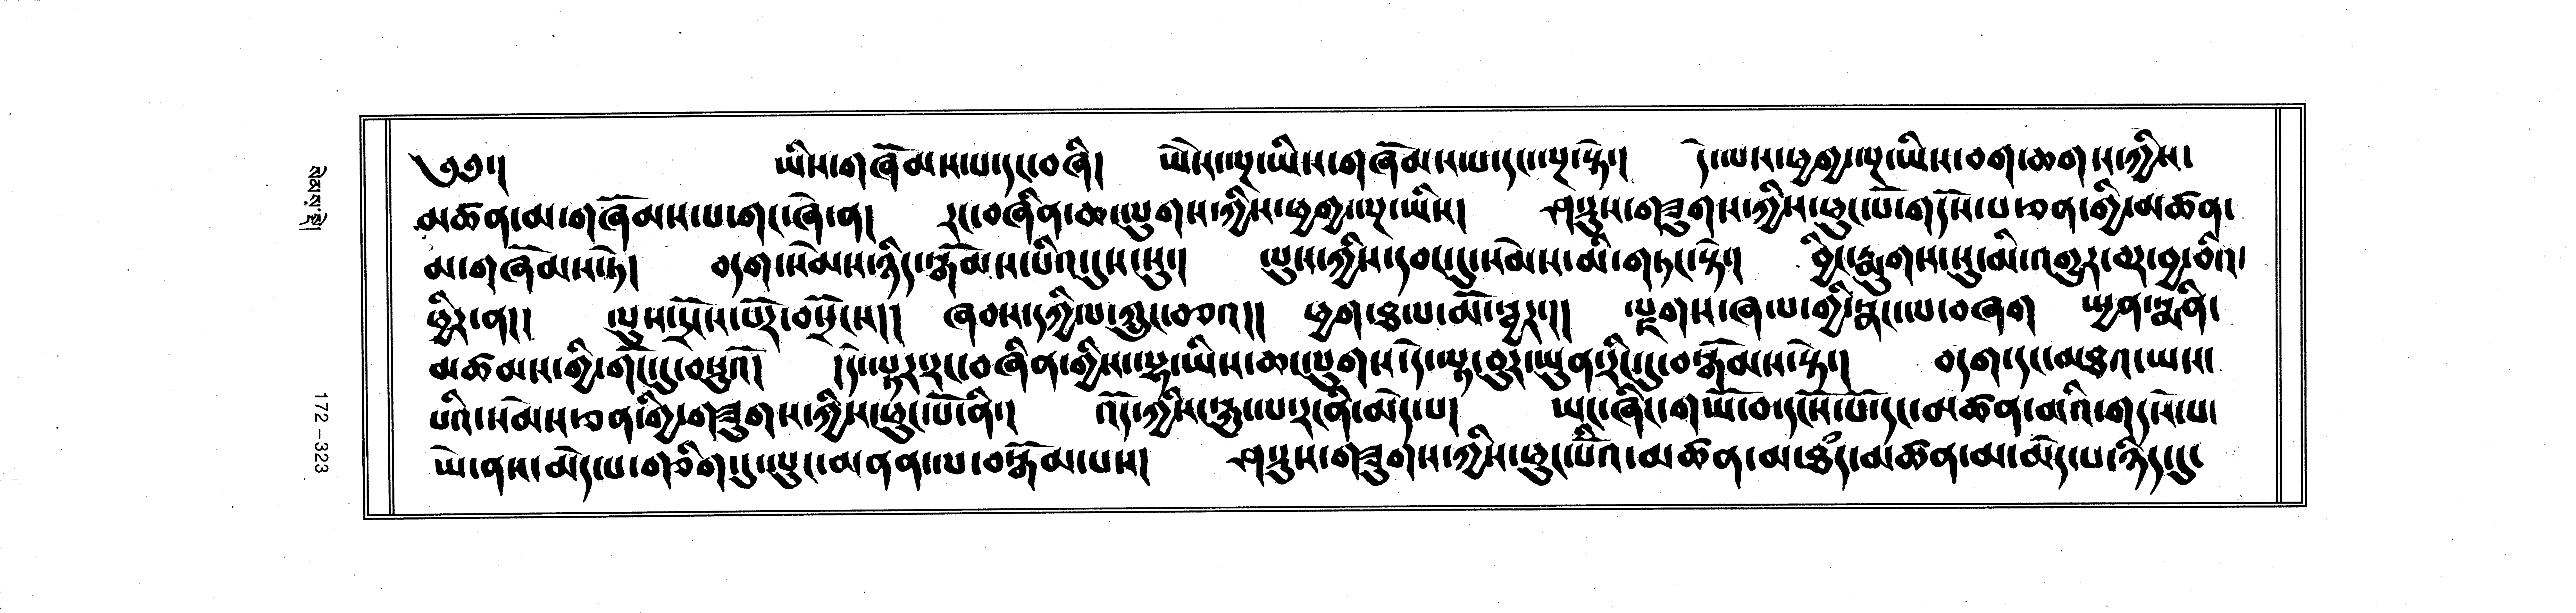ཡིས་གཞོམ་པ་དང་བཞི། ཡེ་ཤེས་ལྔ་ཡིས་གཞོམ་པ་དང་ལྔ་སྟེ། དེ་ལས་ཕྱག་རྒྱ་ལྔ་ཡིས་བག་ཆགས་ཀྱིས་
མཚན་མ་གཞོམ་པ་གང་ཞེ་ན། རང་བཞིན་ཆ་ལུགས་ཀྱིས་ཕྱག་རྒྱ་ལྔ་ཡིས། ཤ་རུས་གཟུགས་ཀྱིས་ཕུང་པོ་གདོས་པ་ཅན་གྱི་མཚན་
མ་གཞོམ་ཏེ། བདག་སེམས་ཉིད་སྒོམས་པའི་དུས་སུ། ལུས་ཀྱིས་དབང་དུ་སེམས་མི་གཏང་སྟེ། བྱིང་རྨུགས་སུ་མི་འགྱུར་བར་བྱ་བའི་
ཕྱིར་ན། ལུས་དྲོངས་པོར་བསྲོངས། ཞབས་དཀྱིལ་ཀྲུང་བཅའ། ཕྱག་ཐལ་མོ་སྦྱར། ལྗགས་ཞལ་གྱི་སྣང་ལ་བཞག སྤྱན་སྨིན་
མཚམས་གྱི་གོང་དུ་བསྡུའོ། དེ་ལྟར་རང་བཞིན་གྱིས་ལྷ་ཡིས་ཆ་ལུགས་དེ་ལྟ་བུར་ཡུན་རིང་དུ་བསྒོམས་སྟེ། བདག་དང་མཐའ་ཡས་
པའི་སེམས་ཅན་གྱི་གཟུགས་ཀྱིས་ཕུང་པོ་ནི། འོད་ཀྱིས་སྐུ་ལ་རང་བཞིན་མེད་པ། ཡང་ཞིང་གཡོ་བ་དངོས་པོ་དང་མཚན་མའི་གདོས་པ་
ཡེ་ནས་མེད་པ་གཅིག་དུ་ལུང་མནན་ལ་བསྒོམ་པས། ཤ་རུས་གཟུགས་ཀྱིས་ཕུང་པོའི་མཚན་མ་ཐམས་ཅད་མཚན་མ་མེད་པ་ཉིད་དུ་